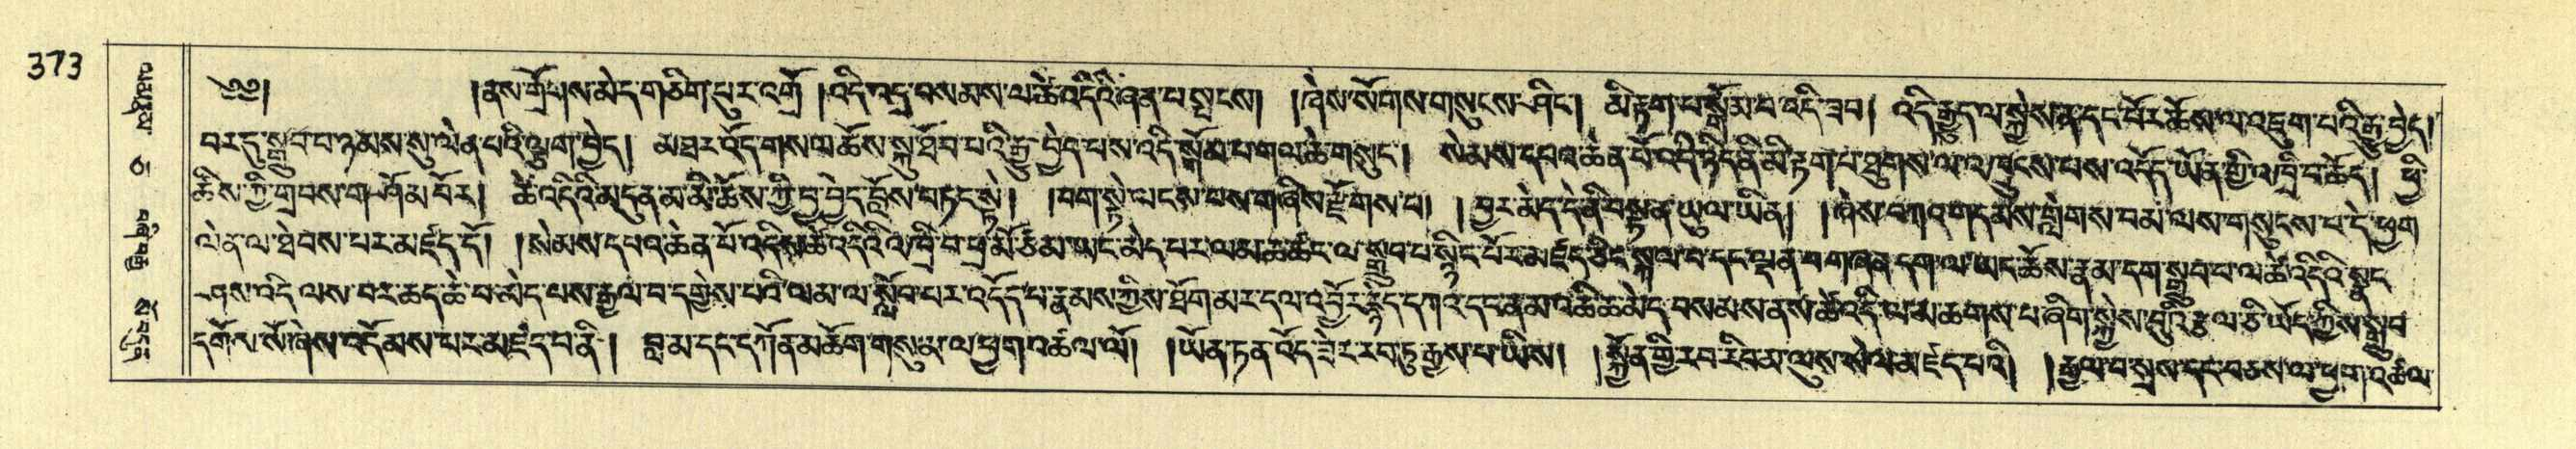༄༅། །ནས་གྲོགས་མེད་གཅིག་པུར་འགྲོ་།འདི་འདྲ་བསམས་ལ་ཚེ་འདིའི་ཞེན་པ་སྤངས། །ཞེས་སོགས་གསུངས་ཤིང་། མི་རྟག་པ་སྒོམ་བ་འདི་ཟབ། འདི་རྒྱུད་ལ་སྐྱེས་ན་དང་པོར་ཆོས་ལ་འཇུག་པའི་རྒྱུ་བྱེད།
བར་དུ་སྒྲུབ་པ་ཉམས་སུ་ལེན་པའི་ལྕག་བྱེད། མཐར་འོད་གསལ་ཆོས་སྐུ་ཐོབ་པའི་རྒྱུ་བྱེད་པས་འདི་སྒོམ་པ་གལ་ཆེ་གསུང་། སེམས་དཔའ་ཆེན་པོ་འདི་ཉིད་ནི་མི་རྟག་པ་ཐུགས་ལ་འཁྲུངས་པས་འདོད་ཡོན་གྱི་འཁྲི་བ་ཆོད། ཕྱི་
ཆིས་ཀྱི་གྲགས་གཤོམ་བོར། ཚེ་འདིའི་མདུན་མ་མི་ཆོས་ཀྱི་བྱ་བྱེད་བློས་བཏང་སྟེ། །བག་སྟེ་ལངས་པས་གཞིས་རྫོགས་པ། །བྱར་མེད་དེ་ནི་བསྟན་ཡུལ་ཡིན། །ཞེས་བཀའ་གདམས་གླེགས་བམ་ལས་གསུངས་པ་དེ་ཕྱག་
ལེན་ལ་ཐེབས་པར་མཛད་དོ། །སེམས་དཔའ་ཆེན་པོ་འདིས་ཚེ་འདིའི་འཁྲི་བ་ཕྲ་མོ་ཙམ་ཡང་མེད་པར་ལམ་ཆ་ཚང་ལ་སྒྲུབ་པ་སྙིང་པོར་མཛད་ཅིང་སྐལ་བ་དང་ལྡན་པ་གཞན་དག་ལ་ཡང་ཆོས་རྣམ་དག་སྒྲུབ་པ་ལ་ཚེ་འདིའི་སྣང་
ཤས་འདི་ལས་བར་ཆད་ཆེ་བ་མེད་པས་རྒྱལ་བ་དགྱེས་པའི་ལམ་ལ་སློབ་པར་འདོད་པ་རྣམས་ཀྱིས་ཐོག་མར་དལ་འབྱོར་རྙེད་དཀའ་དང་ནམ་འཆི་ཆ་མེད་བསམས་ནས་ཚེ་འདི་ལ་མ་ཆགས་པ་ཞིག་སྐྱེས་བུའི་རྩལ་ཅི་ཡོད་ཀྱིས་སྒྲུབ་
དགོས་སོ་ཞེས་འདོམས་པར་མཛད་བ་ནི། བླ་མ་དང་དཀོན་མཆོག་གསུམ་ལ་ཕྱག་འཚལ་ལོ། །ཡོན་ཏན་འོད་ཟེར་རབ་ཏུ་རྒྱས་པ་ཡིས། །སྐྱོན་གྱི་རབ་རིབ་མ་ལུས་སེལ་མཛད་པའི། །རྒྱལ་བ་སྲས་དང་བཅས་ལ་ཕྱག་འཚལ་